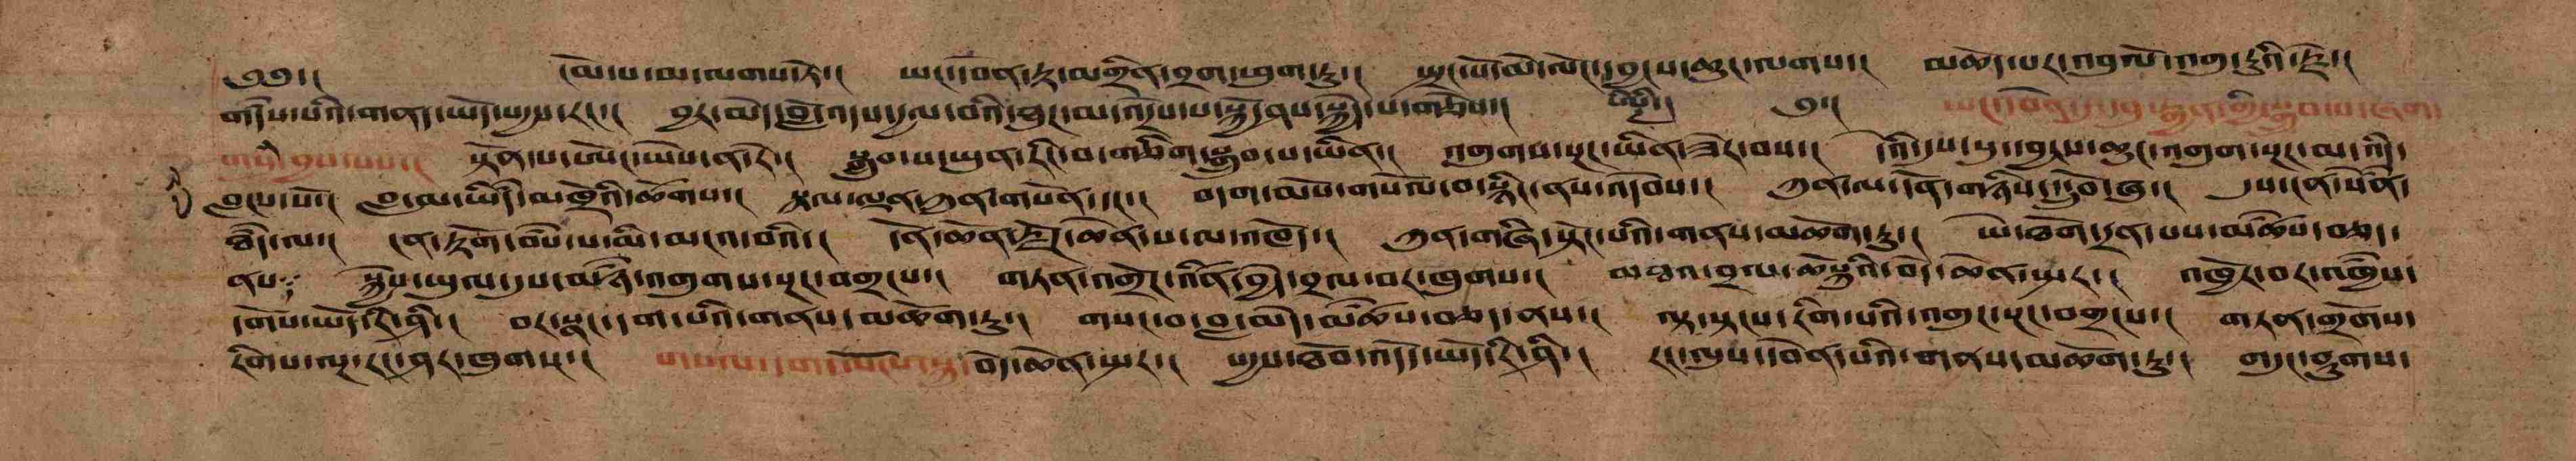ངོམས་པ་མ་ལགས་ཏེ།། ཡང་དབོན་རྟ་མགྲིན་བྲག་ཕུག་ཏུ།། སྤྲང་པོ་མེ་ལོང་དབྱངས་ཆུང་ལགས།། མཆོད་པར་འབུལ་ལོ་འགུ་རུའི་རྗེ།། 
གདམས་པའི་གནད་ཡོད་སངས་རྒྱས་རང་།། བྱར་མེད་བློ་འདས་རྒྱལ་བའི་ཐུགས།། མ་འདྲེས་པ་སྐྱོ་ཤས་སྐྱེད་པ་གཅེས།། ཨིཊི།། ༄་། ཡང་དབེན་དུ་དབུ་རྒྱན་གྱི་སྒྲུབ་པ་ཞག་
གསུམ་བྱས་པས།། སྟོན་པ་ཨོང་ཡེས་ན་རེ།། སྒྲུབ་པ་ཡུན་རིང་བ་གཅིག་སྒྲུབ་པ་ཡིན།། འགུགས་སྔགས་ཡིན་ཟེར་བས། དེའི་དུས་སུ་དབྱངས་ཆུང་འགུག་སྔགས་མ་འདི་
བླངས་སོ།། བླ་མ་ཡིད་དམ་མཁའ་འགྲོའི་ཚོགས།། སྐལ་ལྡན་ཀུན་གསོན་དང་།། བདག་མོས་གསོལ་བ་སྙིང་ནས་འདེབས།། ཀུན་ལ་དོན་གཉིས་དངོས་གྲུབ་ཞུ།། དུས་ངན་སེམས་ཅན་
ཐམས་ཅད་ལ།། ངན་རྟོག་སེམས་ལ་མི་མངའ་བའི།། དོན་ཆེན་རྫོགས་ཆེན་ས་ལ་འཁོད།། ཀུན་གཞི་སྟོང་པའི་གནས་མཆོག་ཏུ།། ཡེ་ཐོག་དྲན་པས་མཚམས་བཅད་
ནས།། སྐྱེས་ཡུལ་དུས་མཉམ་འགུགས་སྔགས་བགྲངས།། གཏན་འགྲོགས་འཛིན་བྱེད་བྲལ་བར་ཁུགས།། མཐའ་བྲལ་ཆོས་སྐུའི་བདེ་ཆེན་སྤར།། འཁོར་བར་འཁྱམས་
དགོས་ཡོད་རེ་ཤི།། བར་སྣང་དག་པའི་གནས་མཆོག་ཏུ།། གསང་བ་བླ་མེད་མཚམས་བཅད་ནས།། ལྟ་སྟངས་རིག་པའི་འགུགས་སྔགས་བགྲངས།། གཏན་གྲོགས་
རིགས་ལྔ་རང་ཤར་ཁུགས།། གསལ་དག་ལོངས་སྐུ་བདེ་ཆེན་སྤར།། སངས་རྒྱས་ཐོབ་འདོད་ཡོད་རི་ཤི།། རང་ལུས་དབེན་པའི་གནས་མཆོག་ཏུ།། གདུང་ཤུགས་